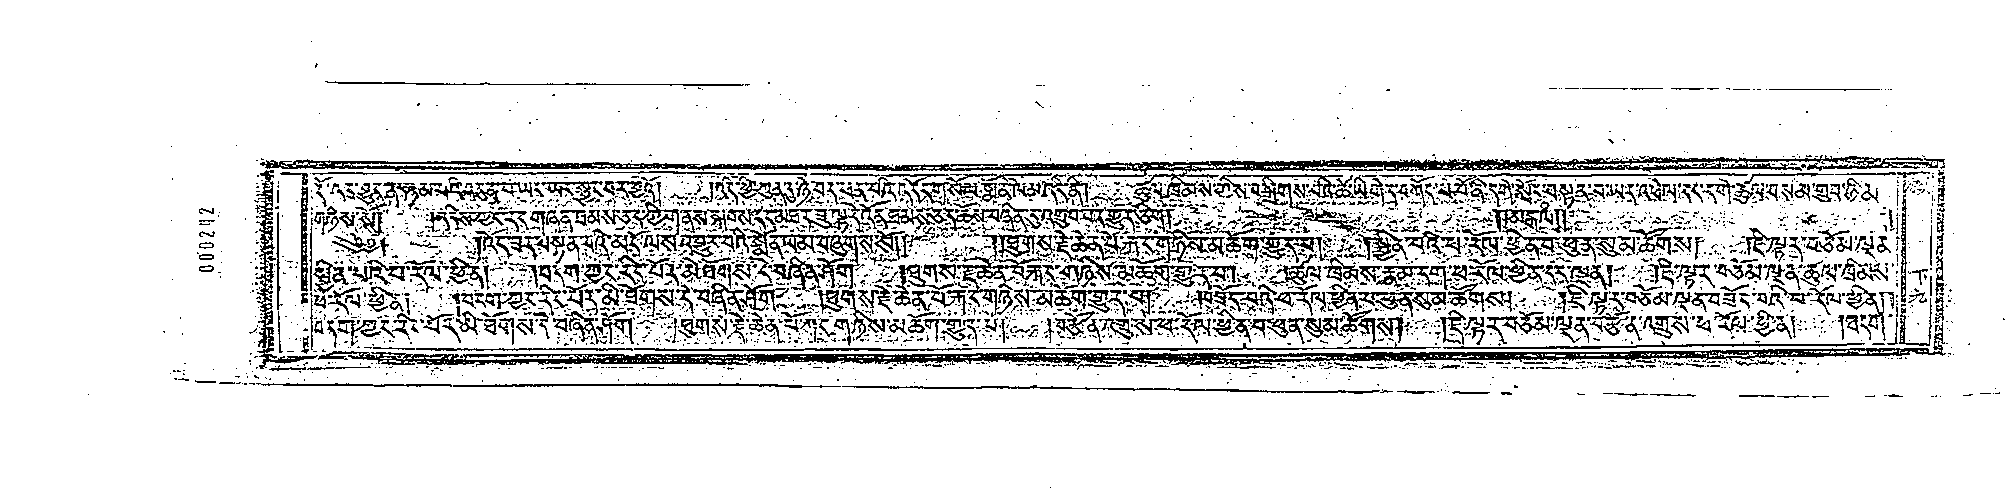དེ་འདྲ་བྱུང་ན་སྙམ་པའི་འདུན་པ་ཡང་ཡང་སྦྱང་བར་བྱའོ། །འདི་ཕྱི་ཀུན་དུ་ཉེ་བར་ཕན་པའི་འདོད་གསོལ་སྨོན་ལམ་འདི་ནི། ཚུལ་ཁྲིམས་ཀྱིས་བསྒྲིགས་བའི་ཚེ་ཡི་གེར་བཀོད་པ་པོ་ནི་དགེ་སློང་བསྟན་བ་ཡར་འཕེལ་དང་དགེ་ཚུལ་བསམ་གྲུབ་ཉི་མ་
གཉིས་སོ། །འདིས་ཀྱང་རང་གཞན་ཐམས་ཅད་ཀྱི་གནས་སྐབས་དང་མཐར་ཟུ་ལྟ་དེའོ་ན་ཐམས་ཅད་ཆོས་བཞིན་དུ་འགྲུབ་པར་གྱུར་ཅིག། །།མངྒ་ལཾ།། །།
༄༅། །འོད་ཟེར་བསྟན་བའི་མདོ་ལས་འབྱུང་བའི་སྨོན་ལམ་བཞུགས་སོ།། །།ཐུགས་རྗེ་ཆེན་པོ་རྐང་གཉིས་མཆོག་གྱུར་པ། །སྦྱིན་པའི་ཕ་རོལ་ཕྱིན་བ་ཕུན་སུམ་ཚོགས། །ཇི་ལྟར་བཅོམ་ལྡན་
སྦྱིན་པའི་ཕ་རོལ་ཕྱིན། །བདག་ཀྱང་རིང་པོར་མི་ཐོགས་དེ་བཞིན་ཤོག །ཐུགས་རྗེ་ཆེན་བོ་རྐང་གཉིས་མཆོག་གྱུར་པ། །ཚུལ་ཁྲིམས་རྣམ་དག་ཕ་རོལ་ཕྱིན་དང་ལྡན། །ཇི་ལྟར་བཅོམ་ལྡན་ཚུལ་ཁྲིམས་
ཕ་རོལ་ཕྱིན། །བདག་ཀྱང་རིང་པོར་མི་ཐོགས་དེ་བཞིན་ཤོག །ཐུགས་རྗེ་ཆེན་པོ་རྐང་གཉིས་མཆོག་གྱུར་པ། །བཟོད་པའི་ཕ་རོལ་ཕྱིན་པ་ཕུན་སུམ་ཚོགས། །ཇི་ལྟར་བཅོམ་ལྡན་བཟོད་བའི་ཕ་རོལ་ཕྱིན། །
བདག་ཀྱང་རིང་པོར་མི་ཐོགས་དེ་བཞིན་ཤོག །ཐུགས་རྗེ་ཆེན་པོ་ཀང་གཉིས་མཆོག་གྱུར་པ། །བརྩོན་འགྲུས་ཕ་རོལ་ཕྱིན་བ་ཕུན་སུམ་ཚོགས། །ཇི་ལྟར་བཅོམ་ལྡན་བརྩོན་འགྲུས་ཕ་རོལ་ཕྱིན། །བདག་